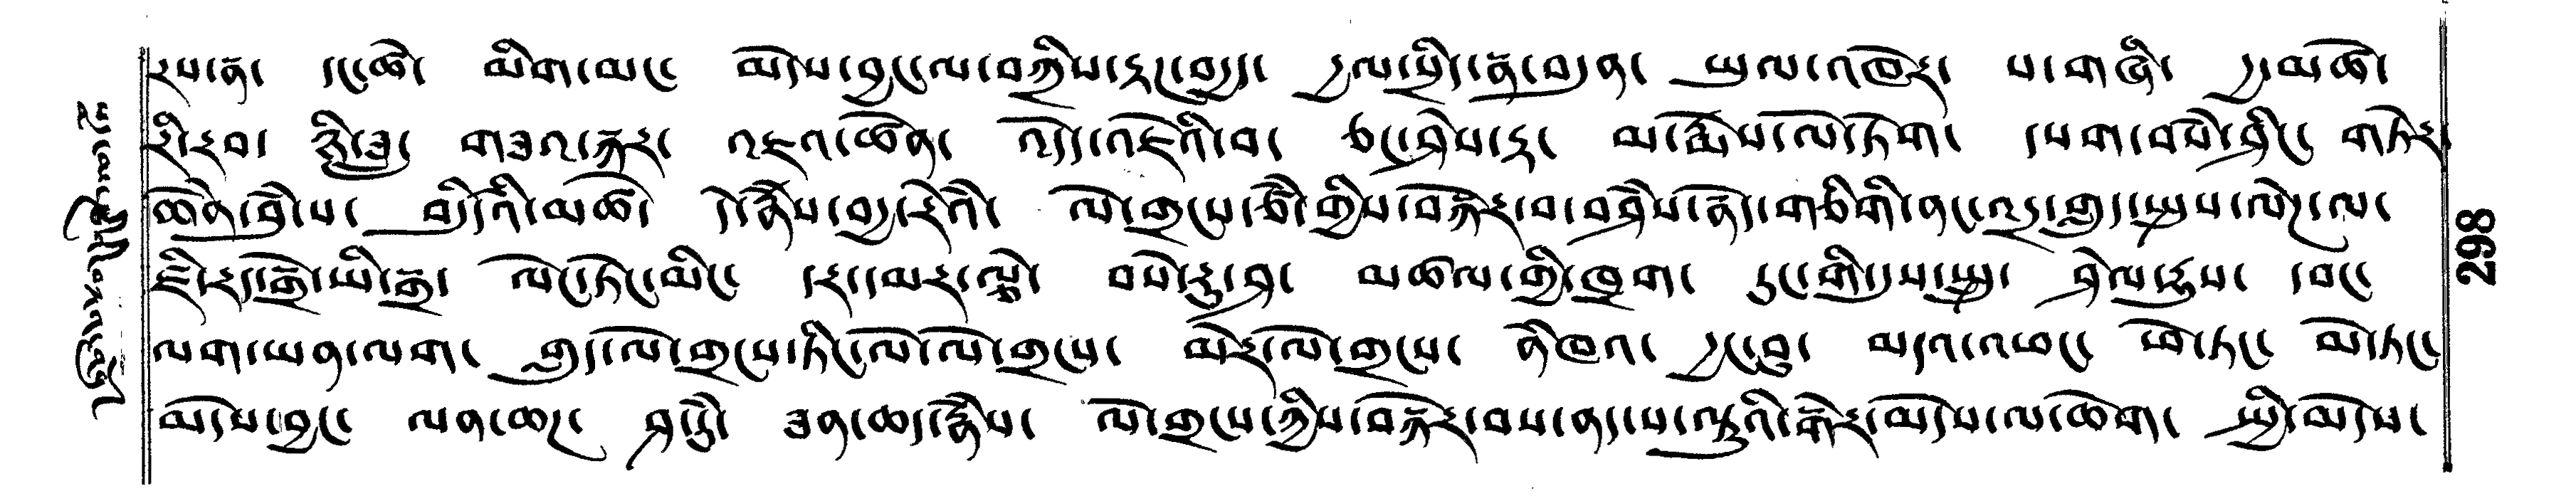རས་སྣ། དང་ཚེ། མིག་མང་། མདོས་བྱང་ལ་བཀྲ་ཤིས་རྟགས་བརྒྱད། རྒྱལ་སྲིད་སྣ་བདུན། ཡུལ་འཁོར། ས་གཞི། རྒྱ་མཚོ། 
རི་རབ། ཉི་ཟླ། གཟའ་སྐར། འཇའ་ཚོན། འདོད་འཇོའི་བ། ཅང་ཤེས་རྟ། མ་རྨོས་ལོ་ཏོག དཔག་བསམ་ཤིང་། གཏེར་
ཆེན་པོའི་བུམ་པ། བདུད་རྩིའི་མཚོ། དེ་རྣམས་བརྒྱ་རེའམ། ལོ་གྲངས་ཙམ་གྱིས་བསྐོར་བ་བཤམས། སྣོད་གཅིག་གི་ནང་འདྲ་གླུད་སྤུས་ལེགས་ལ་
ཛི་རང་སྒྲོ་ཡི་སྐྲ། ལུང་ཏང་མིག དར་དམར་ལྕེ། བསེ་རུའི་ཤ། མཚལ་གྱི་ཁྲག དུང་གི་རུས་པ། ཤེལ་རྒྱུས། དབང་
ལག་ཡན་ལག གླུད་ལོ་གྲངས། ཏིང་ལོ་ལོ་གྲངས། མར་མེ་ལོ་གྲངས། ནམ་མཁའ། རྒྱང་བུ། མདའ། འཕང་། ཕོ་ཏང་། མོ་ཏང་། 
མདོས་བྱང་། ལན་ཆགས། ཤ་དུམ། ཟན་ཆད་རྣམས། ལོ་གྲངས་ཀྱིས་བསྐོར་བ་ནད་པ་ལྟ་བུའི་སྒེར་མདོས་ལ་ཆོག སྤྱི་མདོས་